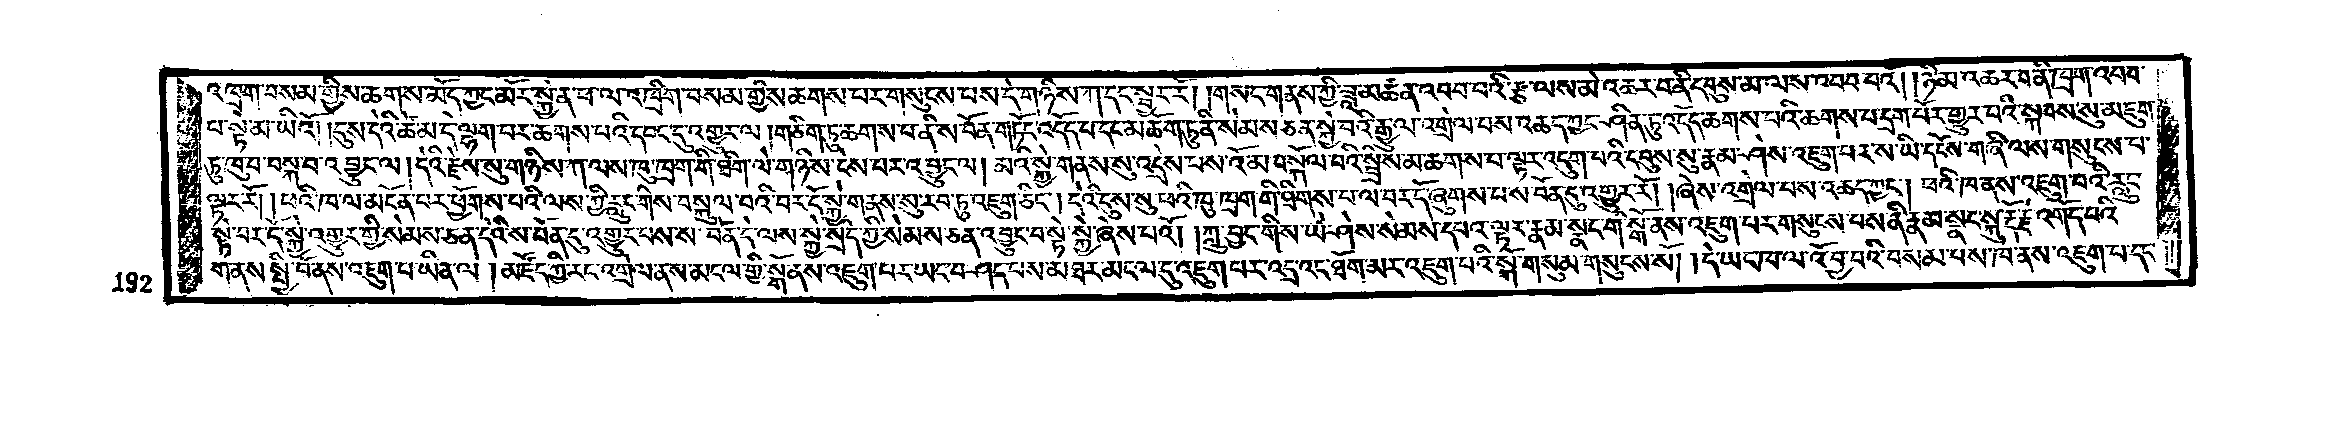འཁྲག་བསམ་གྱིས་ཆགས་མོད་ཀྱང་མོར་སྐྱེ་ན་ཕ་ལ་འཁྲིག་བསམ་གྱིས་ཆགས་པར་གསུངས་པས་དེ་གཉིས་ཀ་དང་སྦྱར་རོ། །གསང་གནས་ཀྱི་ཟླ་མཚན་འབབ་པའི་རྩ་ལས་མི་འཆར་བ་ནི་དབུས་མ་ལས་འབབ་པའོ། །ཉི་མ་འཆར་བ་ནི་ཁྲག་འབབ་
པ་སྟེ་མ་ཡིའོ། །དུས་དེའི་ཚེ་མ་དེ་ལྷག་པར་ཆགས་པའི་དབང་དུ་འགྱུར་ལ། གཅིག་ཏུ་ཆགས་པ་ནི་ས་བོན་གཏོང་འདོད་པ་དང་མཆོག་ཏུ་ནི་སེམས་ཅན་སྐྱེ་བའི་རྒྱུ་ལ་འགྲེལ་པས་འཆད་ཀྱང་ཤིན་ཏུ་འདོད་ཆགས་པའི་ཆགས་པ་དྲག་པོར་གྱུར་པའི་སྐབས་སུ་མཇུག་
ཏུ་ཁུ་བ་བསྐ་བ་འབྱུང་ལ། དེའི་རྗེས་སུ་གཉིས་ཀ་ལས་ཁུ་ཁྲག་གི་ཐིག་ལེ་གཉིས་ངེས་པར་འབྱུང་ལ། མའི་སྐྱེ་གནས་སུ་འདྲེས་པས་འོ་མ་བསྐོལ་བའི་སྤྲིས་མ་ཆགས་པ་ལྟར་འདུག་པའི་དབུས་སུ་རྣམ་ཤེས་འཇུག་པར་ས་ཡི་དངོས་གཞི་ལས་གསུངས་པ་
ལྟར་རོ། །ཕའི་ཁ་ལ་མངོན་པར་ཕྱོགས་པའི་ལས་ཀྱི་རླུང་གིས་བསྐུལ་བའི་བར་དོ་སྐྱེ་གནས་སུ་རབ་ཏུ་འཇུག་ཅིང་། དེའི་དུས་སུ་ཕའི་ཁུ་ཁྲག་གི་ཐིགས་པ་ལ་བར་དོ་ཞུགས་པ་ས་བོན་དུ་འགྱུར་རོ། །ཞེས་འགྲེལ་པས་འཆད་ཀྱང་། ཕའི་ཁ་ནས་འཇུག་པའི་རླུང་
སྟེ་བར་དོ་སྐྱེ་འགྱུར་གྱི་སེམས་ཅན་དེའི་ས་བོན་དུ་འགྱུར་བས་ས་བོན་དེ་ལས་སྐྱེ་སྲིད་ཀྱི་སེམས་ཅན་འབྱུང་བ་སྟེ་སྐྱེ་ཞེས་པའོ། །ཀླུ་བྱང་གིས་ཡེ་ཤེས་སེམས་དཔའ་ལྟར་རྣམ་སྣང་གི་སྒོ་ནས་འཇུག་པར་གསུངས་པས་ནི་རྣམ་སྣང་སྐུ་རྡོ་རྗེ་འགོད་པའི་
གནས་སྤྱི་བོ་ནས་འཇུག་པ་ཡིན་ལ། མཛོད་ཀྱི་རང་འགྲེལ་ནས་མངལ་གྱི་སྒོ་ནས་འཇུག་པར་ཡང་བཤད་པས་མཐར་མངལ་དུ་འཇུག་པར་འདྲ་འང་ཐོག་མར་འཇུག་པའི་སྒོ་གསུམ་གསུངས་སོ། །དེ་ཡང་ཁ་ལ་འོ་བྱ་བའི་བསམ་པས་ཁ་ནས་འཇུག་པ་དང་